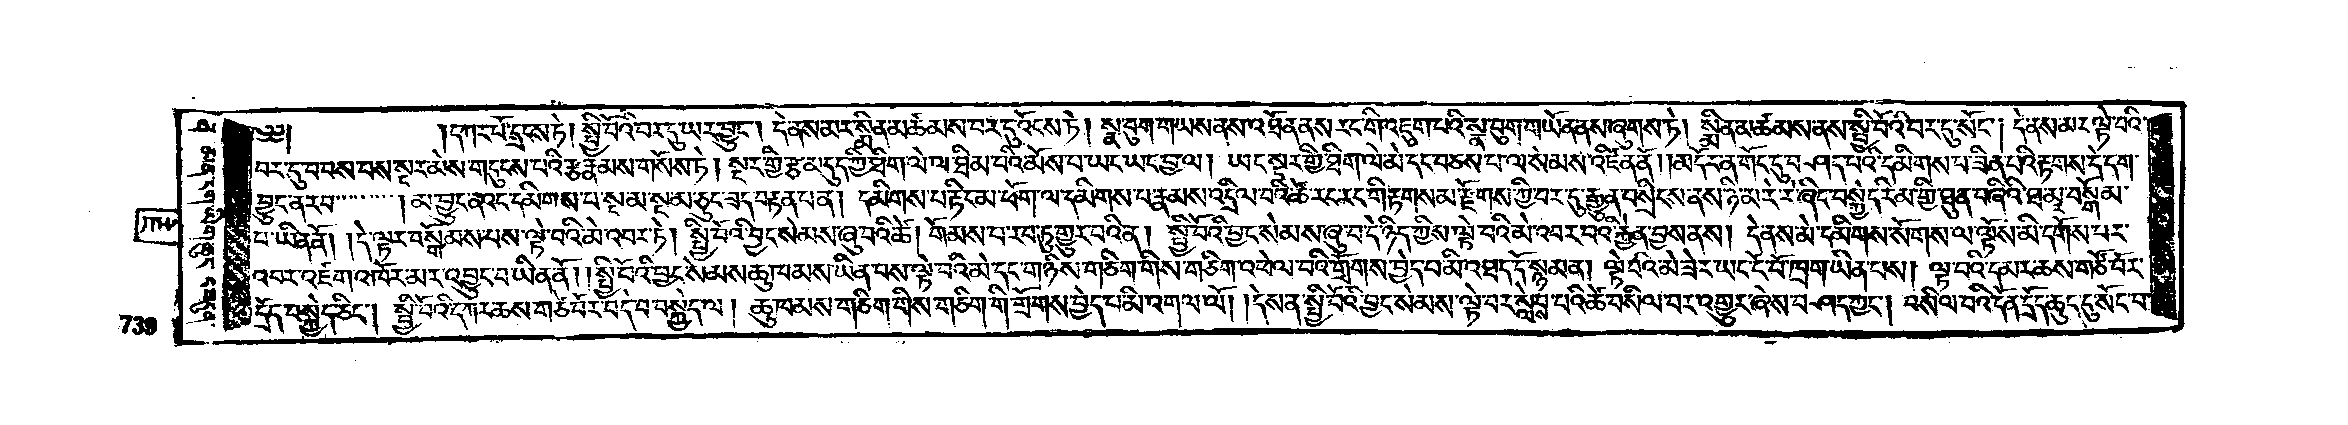༄༅། །དཀར་པོ་དྲངས་ཏེ། སྤྱི་བོའི་བར་དུ་ཡར་བྱུང་། དེ་ནས་མར་སྨིན་མཚམས་བར་དུ་འོངས་ཏེ། སྣ་བུག་གཡས་ནས་འཐེན་ནས་རང་གི་འཇུག་པའི་སྣ་བུག་གཡོན་ནས་ཞུགས་ཏེ། སྨིན་མཚམས་ནས་སྤྱི་བོའི་བར་དུ་སོང་། དེ་ནས་མར་ལྟེ་བའི་
བར་དུ་བབས་པས་སྔར་མེས་གདུངས་པའི་རྩ་རྣམས་གསོས་ཏེ། སྔར་གྱི་རྩ་མདུད་ཀྱི་ཐིག་ལེ་ལ་ཐིམ་པའི་མོས་པ་ཡང་ཡང་བྱ་ལ། ཡང་སྔར་གྱི་ཐིག་ལེ་མེ་དང་བཅས་པ་ལ་སེམས་འཛིན་ནོ། །མདོར་ན་གོང་དུ་བཤད་པའི་དམིགས་པ་ཟིན་པའི་རྟགས་དེ་དག་
བྱུང་ན་རབ། མ་བྱུང་ནའང་དམིགས་པ་སྔ་མ་སྔ་མ་ཅུང་ཟད་བརྟན་པ་ན། དམིགས་པ་རྟིང་མ་ཕོག་ལ་དམིགས་པ་རྣམས་འདྲིལ་བའི་ཚེ་རང་རང་གི་རྟགས་མ་རྫོགས་ཀྱི་བར་དུ་རྒྱུན་བསྲིངས་ནས་ཉི་མ་རེ་རེ་ཞིང་བསྐྱེད་རིམ་གྱི་ཐུན་བཞིའི་ཐ་མར་བསྒོམ་
པ་ཡིན་ནོ། །དེ་ལྟར་བསྒོམས་པས་ལྟེ་བའི་མེ་འབར་ཏེ། སྤྱི་བོའི་བྱང་སེམས་ཞུ་བའི་ཚེ། གོམས་པ་རབ་ཏུ་གྱུར་པའི་ན། སྤྱི་བོའི་བྱང་སེམས་ཞུ་བ་དེ་ཉིད་ཀྱིས་ལྟེ་བའི་མེ་འབར་བའི་རྐྱེན་བྱས་ནས། དེ་ནས་མེ་དམིགས་སོགས་ལ་ལྟོས་མི་དགོས་པར་
འབར་འཛག་འཁོར་མར་འབྱུང་བ་ཡིན་ནོ། །སྤྱི་བོའི་བྱང་སེམས་ཆུ་ཁམས་ཡིན་པས་ལྟེ་བའི་མེ་དང་གཉིས་གཅིག་གིས་གཅིག་འཕེལ་བའི་གྲོགས་བྱེད་པ་མི་འཐད་དོ་སྙམ་ན། ལྟེ་བའི་མེ་ཟེར་ཡང་ངོ་བོ་ཁྲག་ཡིན་པས། ལྟ་བའི་དམར་ཆས་གཙོ་བོར་
དྲོད་བསྐྱེད་ཅིང་། སྤྱི་བོའི་དཀར་ཆས་གཙོ་བོར་བདེ་བ་བསྐྱེད་ལ། ཆུ་ཁམས་གཅིག་གིས་གཅིག་གི་གྲོགས་བྱེད་པ་མི་འགལ་ལོ། །དེས་ན་སྤྱི་བོའི་བྱང་སེམས་ལྟེ་བར་སླེབས་པའི་ཚེ་བསིལ་བར་འགྱུར་ཞེས་བཤད་ཀྱང་། བསིལ་བའི་དོན་དྲོད་ཆུང་དུ་སོང་བ་